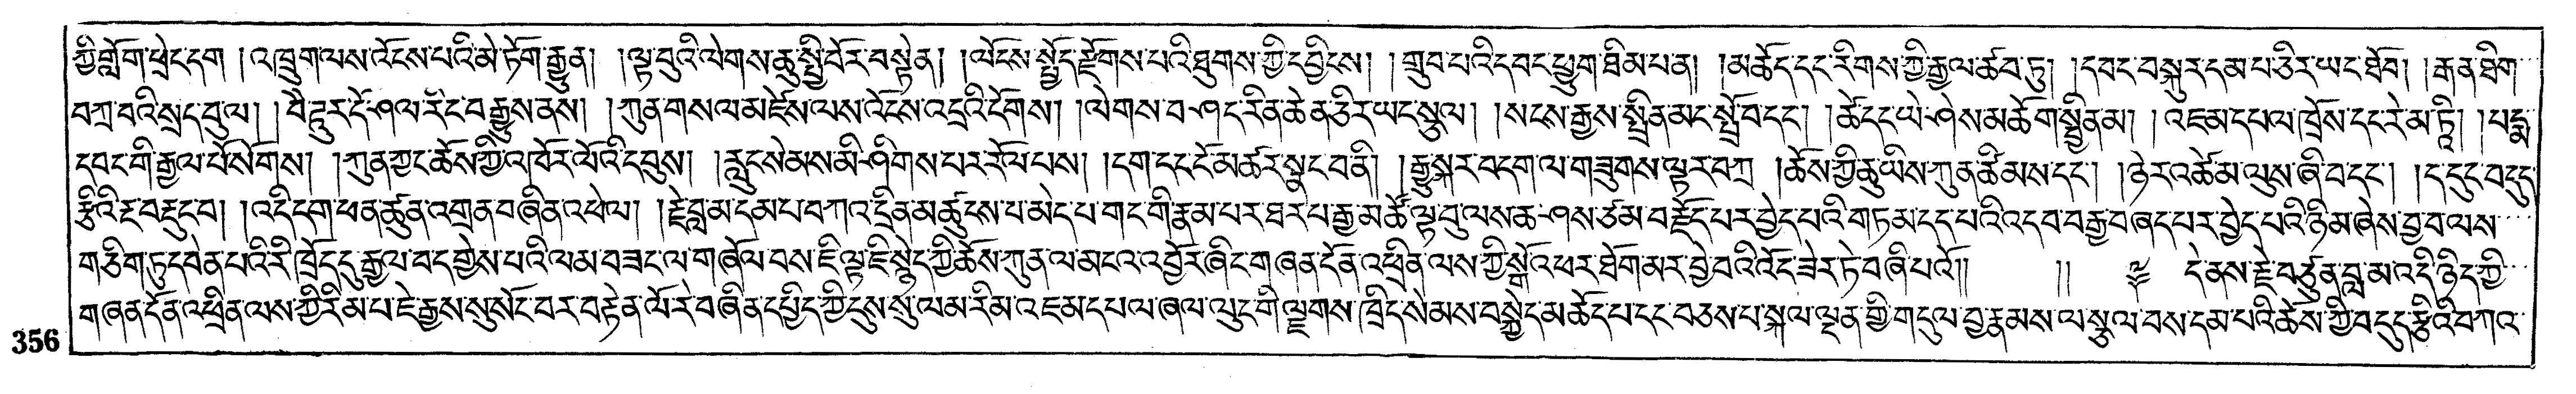ཀྱི་གློག་ཕྲེང་དག །འཁྲུགས་ལས་འོངས་པའི་མེ་ཏོག་རྒྱུན། །ལྟ་བུའི་ལེགས་ཆུ་སྦྱི་བོར་བསྟེན། །འོངས་སྤྱོད་རྫོགས་པའི་ཐུགས་ཀྱི་དབྱིངས། །གྲུབ་པའི་དབང་ཕྱུག་ཐིམ་པ་ན། །མཆོད་དང་རིགས་ཀྱི་རྒྱལ་ཚབ་ཏུ། །དབང་བསྐུར་དམ་པ་ཅིར་ཡང་ཐོབ། །རྒན་ཐིག་
བཀྲ་པའི་སྲད་པུ་ལ། བཻཌཱུ་དོ་ཤལ་རིང་བརྒྱུས་ནས། །ཀུན་གསལ་མཛེས་ལས་འོངས་འདྲའི་ངོགས། །ལེགས་བཤད་རིན་ཆེན་ཅིར་ཡང་སྩལ། །སངས་རྒྱས་སྤྲིན་མང་སྤྲོ་བ་དང་། །ཚེ་དང་ཡེ་ཤེས་མཆོག་སྤྱིན་མ། །འཇམ་དཔལ་ཁྲོས་དང་རེ་མ་ཏཱི། །པདམ་
དབང་གི་རྒྱལ་པོ་སོགས། །ཀུན་ཀྱང་ཆོས་ཀྱི་འཁོར་ལོའི་དབུས། །རླུང་སེམས་མི་ཤིགས་པར་རོལ་པས། །དག་དང་ངོ་མཚར་སྣང་བ་ནི། །རྒྱུ་སྐར་བདག་ལ་གཟུགས་ལྟར་བཀྲ་།ཆོས་ཀྱི་ཆུ་ཡིས་ཀུན་ཚིམས་དང་། །ཉེར་འཚེ་མ་ལུས་ཞི་བ་དང་། །ད་དུང་བདུད་
རྩིའི་རྔ་བརྡུང་བ། །འདི་དག་ཕན་ཚུན་འགྲན་བཞིན་འཕེལ། །རྗེ་བླ་མ་དམ་པ་བཀའ་དྲིན་མཚུངས་པ་མེད་པ་གང་གི་རྣམ་པར་ཐར་བ་རྒྱ་མཚོ་ལྟ་བུ་ལས་ཆ་ཤས་ཙམ་བརྗོད་པར་བྱེད་པའི་གཏམ་དད་པའི་འདབ་བརྒྱ་བཞད་པར་བྱེད་པའི་ཉི་མ་ཞེས་བྱ་བ་ལས་
གཅིག་ཏུ་དབེན་པའི་རི་ཁྲོད་དུ་རྒྱལ་བ་དགྱེས་པའི་ལམ་བཟང་ལ་གཞོལ་པས་ཇི་ལྟ་ཇི་སྙེད་ཀྱི་ཆོས་ཀུན་ལ་མངའ་འབྱོར་ཞིང་གཞན་དོན་འཕྲིན་ལས་ཀྱི་སྒོ་འཕར་ཐོག་མར་བྱེ་པའི་འོད་ཟེར་ཏེ་བཞི་པའོ།། །། ༈ དེ་ནས་རྗེ་བཙུན་བླ་མ་འདི་ཉིད་ཀྱི་
གཞན་དོན་འཕྲིན་ལས་ཀྱི་རིམ་པ་ཇེ་རྒྱས་སུ་སོང་བར་བརྟེན་ལོ་རེ་བཞིན་དཔྱིད་ཀྱི་དུས་སུ་ལམ་རིམ་འཇམ་དཔལ་ཞལ་ལུང་གི་ལྗགས་ཁྲིད་སེམས་བསྐྱེད་མཆོད་པ་དང་བཅས་པ་སྐལ་ལྡན་གྱི་གདུལ་བྱ་རྣམས་ལ་སྩལ་བསད་མ་པའི་ཆོས་ཀྱི་བདུད་རྩིའི་བཀའ་